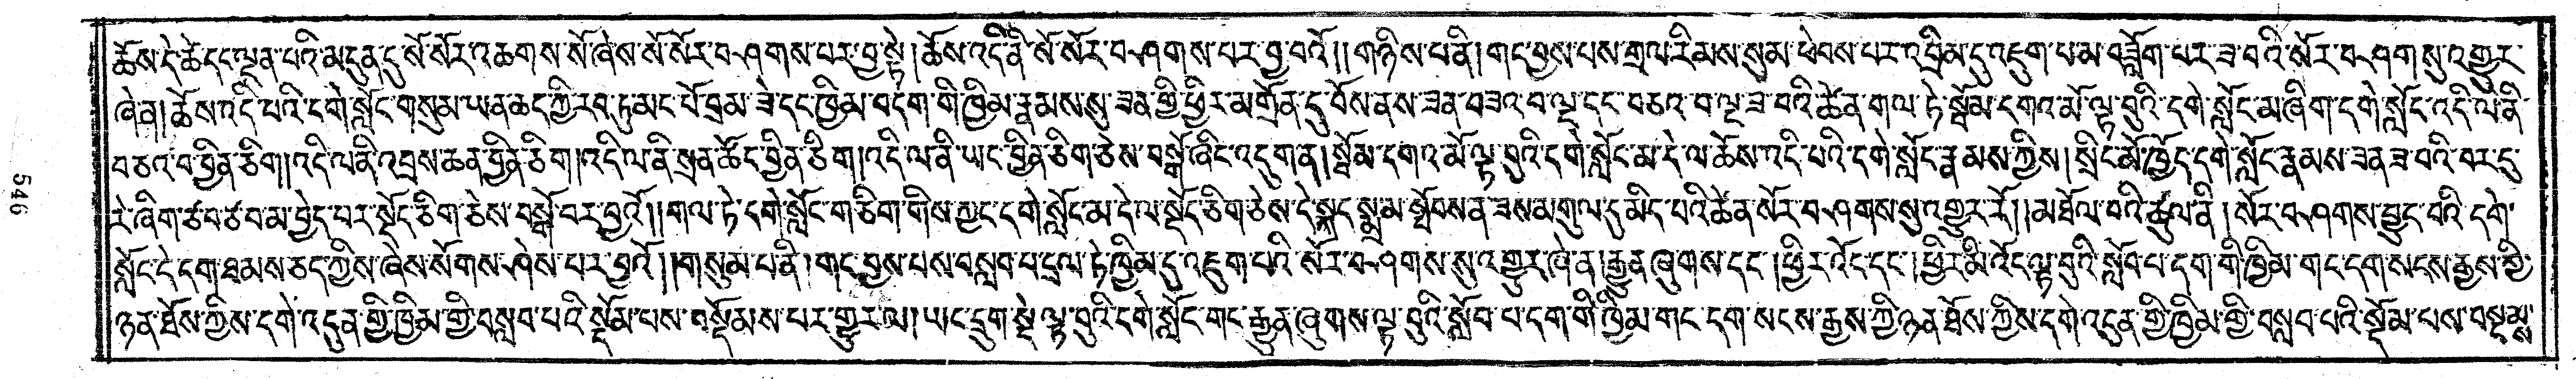ཆོས་དེ་ཚེ་དང་ལྡན་པའི་མདུན་དུ་སོ་སོར་འཆགས་སོ་ཞེས་སོ་སོར་བཤགས་པར་བྱ་སྟེ། ཆོས་འདི་ནི་སོ་སོར་བཤགས་པར་བྱ་བའོ། །གཉིས་པ་ནི། གང་བྱས་པས་གྲལ་རིམས་སུམ་ཕེབས་པར་འབྲིམ་དུ་འཇུག་པ་མ་བཟློག་པར་ཟ་བའི་སོར་བཤག་སུ་འགྱུར་
ཞེ་ན། ཆོས་འདི་པའི་དགེ་སློང་གསུམ་ཡན་ཆད་ཀྱི་རབ་ཏུ་མང་པོ་བྲམ་ཟེ་དང་ཁྱིམ་བདག་གི་ཁྱིམ་རྣམས་སུ་ཟན་གྱི་ཕྱིར་མགྲོན་དུ་བོས་ནས་ཟན་བཟའ་བ་ལྔ་དང་བཅའ་བ་ལྔ་ཟ་བའི་ཚེན་གལ་ཏེ་སྦོམ་དགའ་མོ་ལྟ་བུའི་དགེ་སློང་མ་ཞིག་དགེ་སློང་འདི་ལ་ནི་
བཅའ་བ་བྱིན་ཅིག། འདི་ལ་ནི་འབྲས་ཆན་བྱིན་ཅིག །འདི་ལ་ནི་སྲན་ཚོང་བྱིན་ཅིག །འདི་ལ་ནི་ཡང་བྱིན་ཅིག་ཅེས་བསྒོ་ཞིང་འདུག་ན། སྦོམ་དགའ་མོ་ལྟ་བུའི་དགེ་སློང་མ་དེ་ལ་ཆོས་འདི་པའི་དགེ་སློང་རྣམས་ཀྱིས། སྲིང་མོ་ཁྱོད་དགེ་སློང་རྣམས་ཟན་ཟ་བའི་བར་དུ་
རེ་ཞིག་ཙ་བ་ཙ་བ་མ་བྱེད་པར་སྡོད་ཅིག་ཅེས་བསྒོ་བར་བྱའོ། །གལ་ཏེ་དགེ་སློང་གཅིག་གིས་ཀྱང་དགེ་སློང་མ་དེ་ལ་སྡོད་ཅིག་ཅེས་དེ་སྐད་སྨྲ་མ་སྤོབས་ན་ཟས་མགུལ་དུ་མིད་པའི་ཚེན་སོར་བཤགས་སུ་འགྱུར་རོ། །མཐོལ་བའི་ཚུལ་ནི། སོར་བཤགས་བྱུང་བའི་དགེ་
སློང་དེ་དག་ཐམས་ཅད་ཀྱིས་ཞེས་སོགས་ཤེས་པར་བྱའོ། །གསུམ་པ་ནི། གང་བྱས་པས་བསླབ་པ་དྲལ་ཏེ་ཁྱིམ་དུ་འཇུག་པའི་སོར་བཤགས་སུ་འགྱུར་ཞེ་ན། རྒྱུན་ཞུགས་དང་། ཕྱིར་འོང་དང་། ཕྱིར་མི་འོང་ལྟ་བུའི་སློབ་པ་དག་གི་ཁྱིམ་གང་དག་སངས་རྒྱས་ཀྱི་
ཉན་ཐོས་ཀྱིས་དགེ་འདུན་གྱི་ཁྱིམ་གྱི་བསླབ་པའི་སྡོམ་པས་བསྡོམས་པར་གྱུར་ལ། ཡང་དྲུག་སྡེ་ལྟ་བུའི་དགེ་སློང་གང་རྒྱུན་ཞུགས་ལྟ་བུའི་སློབ་པ་དག་གི་ཁྱིམ་གང་དག་སངས་རྒྱས་ཀྱི་ཉན་ཐོས་ཀྱིས་དགེ་འདུན་གྱི་ཁྱིམ་གྱི་བསླབ་པའི་སྡོམ་པས་བསྡམས་